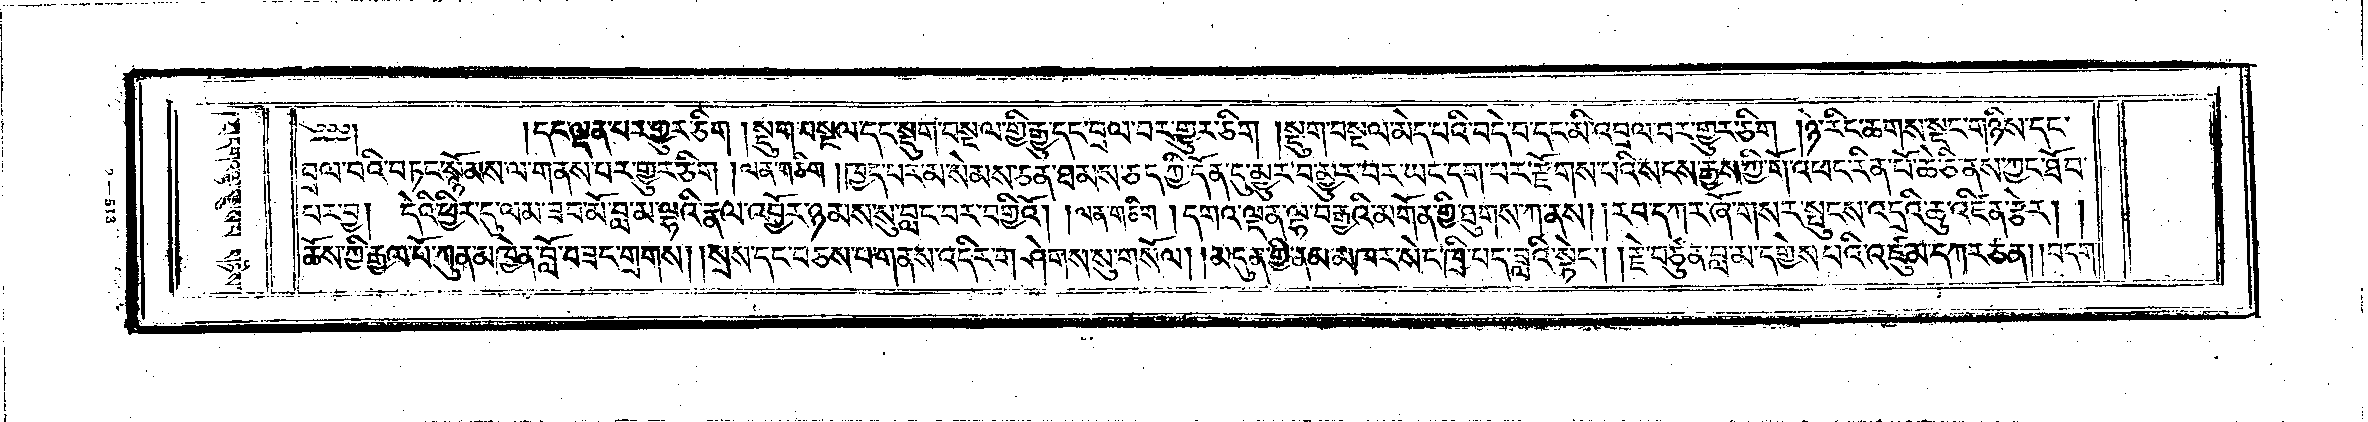༄༅། །དང་ལྡན་པར་གྱུར་ཅིག །སྡུག་བསྔལ་དང་སྡུག་བསྔལ་གྱི་རྒྱུ་དང་བྲལ་བར་གྱུར་ཅིག །སྡུག་བསྔལ་མེད་པའི་བདེ་བ་དང་མི་འབྲལ་བར་གྱུར་ཅིག །ཉེ་རིང་ཆགས་སྡང་གཉིས་དང་
བྲལ་བའི་བཏང་སྙོམས་ལ་གནས་པར་གྱུར་ཅིག་།ལན་གཅིག་།ཁྱད་པར་མ་སེམས་ཅན་ཐམས་ཅད་ཀྱི་དོན་དུ་མྱུར་བ་མྱུར་བར་ཡང་དག་པར་རྫོགས་པའི་སངས་རྒྱས་ཀྱི་གོ་འཕང་རིན་པོ་ཆེ་ཅི་ནས་ཀྱང་ཐོབ་
པར་བྱ། དེའི་ཕྱིར་དུ་ལམ་ཟབ་མོ་བླ་མ་ལྷའི་རྣལ་འབྱོར་ཉམས་སུ་བླང་བར་བགྱིའོ། །ལན་གཅིག་དགའ་ལྡན་ལྷ་བརྒྱའི་མགོན་གྱི་ཐུགས་ཀ་ནས། །རབ་དཀར་ཞོ་གསར་སྤུངས་འདྲའི་ཆུ་འཛིན་རྩེར། །
ཆོས་ཀྱི་རྒྱལ་པོ་ཀུན་མཁྱེན་བློ་བཟང་གྲགས། །སྲས་དང་བཅས་པ་གནས་འདིར་གཤེགས་སུ་གསོལ། །མདུན་གྱི་ནམ་མཁར་སེང་ཁྲི་པད་ཟླའི་སྟེང་། །རྗེ་བཙུན་བླ་མ་དགྱེས་པའི་འཛུམ་དཀར་ཅན། །བདག་